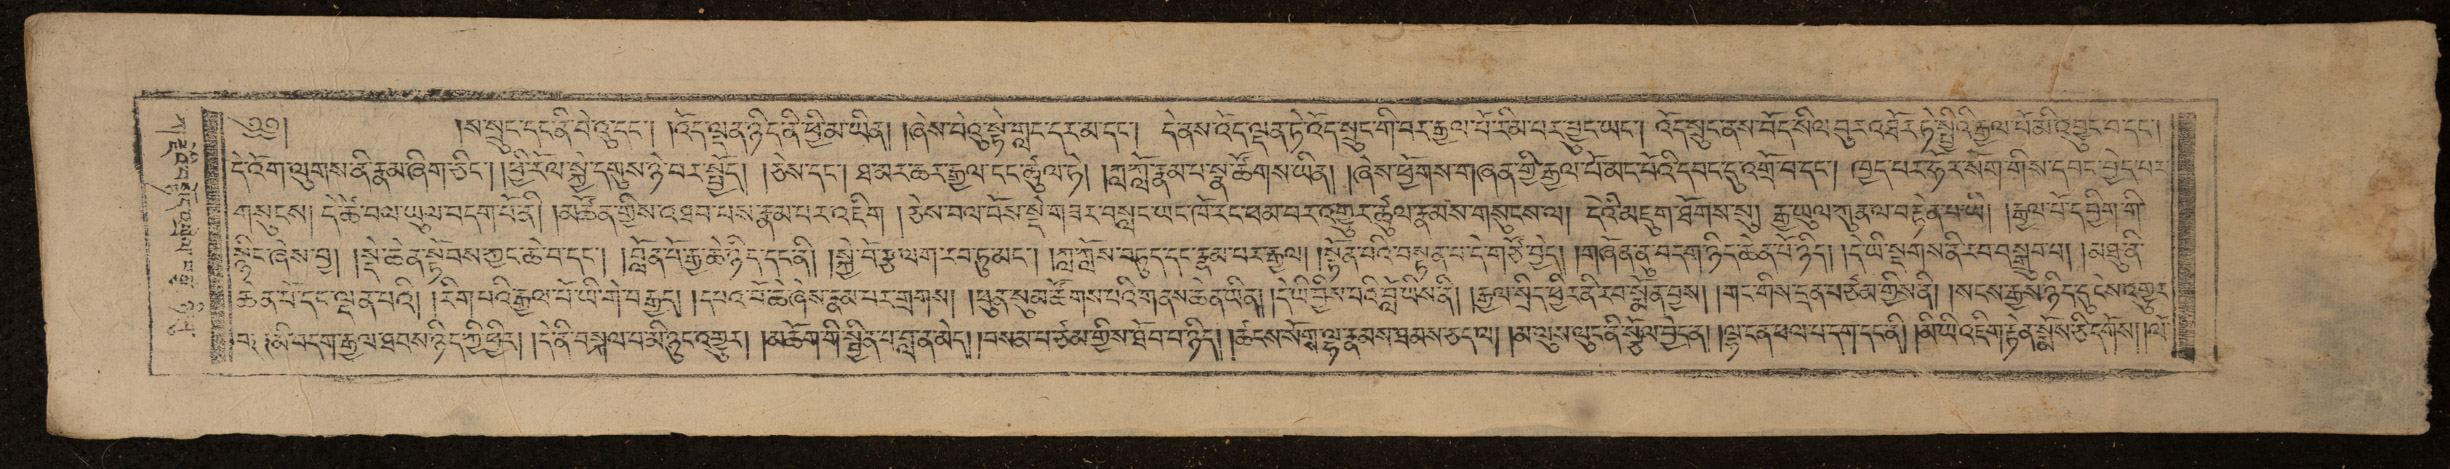༄༅། །ས་སྲུང་དང་ནི་པེའུ་དང་། །འོད་ལྡན་ཉིད་ནི་ཕྱི་མ་ཡིན། །ཞེས་བེའུ་སྟེ་གླང་དར་མ་དང་། ད་ནས་འོད་ལྡན་ཏེ་འོད་སྲུང་གི་བར་རྒྱལ་པོ་རིམ་པར་བྱང་ཡང་། འོད་སྲུང་ནས་བོད་སིལ་བུར་འཐོར་ཏེ་སྤྱིའི་རྒྱལ་པོ་མི་འབྱུང་བ་དང་།
དེ་འོག་ཁུགས་ནི་རྣམ་ཞིག་ཅིང་། །ཕྱི་རོལ་སྐྱེ་དགུས་ཉེ་བར་སྦྱོད། །ཅེས་དང་། ཐ་མར་ཆར་རྒྱལ་ངང་ཚུལ་ཏེ། །ཀླ་ཀློ་རྣམ་པ་སྣ་ཚོགས་ཡིན། །ཞེས་ཕྱོགས་གཞན་གྱི་རྒྱལ་པོ་མང་པོའི་དབང་དུ་འགྲོ་བ་དང་། ཁྱད་པ་ཧོར་སོག་གིས་དབང་བྱེད་པར་
གསུངས། དེ་ཚོང་ལ་ཡུལ་བདག་པོ་ནི། །མཚོན་གྱིས་འཐབ་ཡས་རྣམ་པར་འཇིག །ཅེས་ཕལ་པོས་སྡེ་གཟར་བསླང་ཡང་ཁོ་རང་ཕམ་པར་འགྱུར་ཚུལ་རྣམས་གསུངས་ལ། དེའི་མཇུག་ཐོགས་སུ། རྒྱ་ཡུལ་ཀུན་པ་བརྟེན་པ་ཡི། །རྒྱལ་པོ་དབྱིག་གི་
སྙིང་ཞེས་བྱ། །སྡེ་ཆེན་སྟོབས་ཀྱང་ཆེ་བ་དང་། །བློན་པོ་རྒྱ་ཆེ་ཉིད་དང་ནི། །སྐྱེ་བོ་རྩ་ལག་རབ་ཏུ་མང་། །ཀླ་ཀློས་བཏུད་དང་རྣམ་པར་རྒྱལ། །སྟོན་པའི་བསྟན་པ་དེ་གཙོ་བྱེད། །གཞོན་ནུ་བདག་ཉིད་ཆེ་པོ་ཉིད། །དེ་ཡི་སྔགས་ནི་རབ་བསྒྲུབ་པ། །མཐུ་ནི་
ཆེན་པོ་དང་ལྡན་པའི། །རིག་པའི་རྒྱལ་པོ་ཡི་གེ་བརྒྱུད། །དཔའ་པོ་ཆེ་ཞེས་རྣམ་པར་གྲགས། །ཕུན་སུམ་ཚོགས་པའི་གནས་ཆེན་ཡིན། །དེ་ཡི་བྱིས་པའི་བློ་ཡིས་ནི། །རྒྱལ་སྲིད་ཕྱིར་ནི་རབ་སྨོན་བྱས། །གང་གིས་དྲན་པ་ཙམ་གྱིས་ནི། །སངས་རྒྱས་ཉིད་དུ་ངེས་འགྱུར་
བ༑ ༑མི་བདག་རྒྱལ་ཐབས་ཉིད་ཀྱི་ཕྱིར། །དེ་ནི་བསྐལ་བ་མི་ཉུང་འགྱུར། །མཆོག་གི་སྦྱིན་པ་བླ་ན་མེད། །བསམ་པ་ཙུམ་གྱིས་ཐོབ་ལ་ཉིད། །ཚངས་སོགས་ལྷ་རྣམས་ཐམས་ཅད་ལ། །མ་ལུས་ལུང་ནི་སྩོལ་བྱེད་ན། །ལྷ་ངན་ཕལ་པ་དག་དང་ནི། །མི་ཡེ་འཇིག་རྟེན་སྨོས་ཅིག་དགོས། །ལོ་